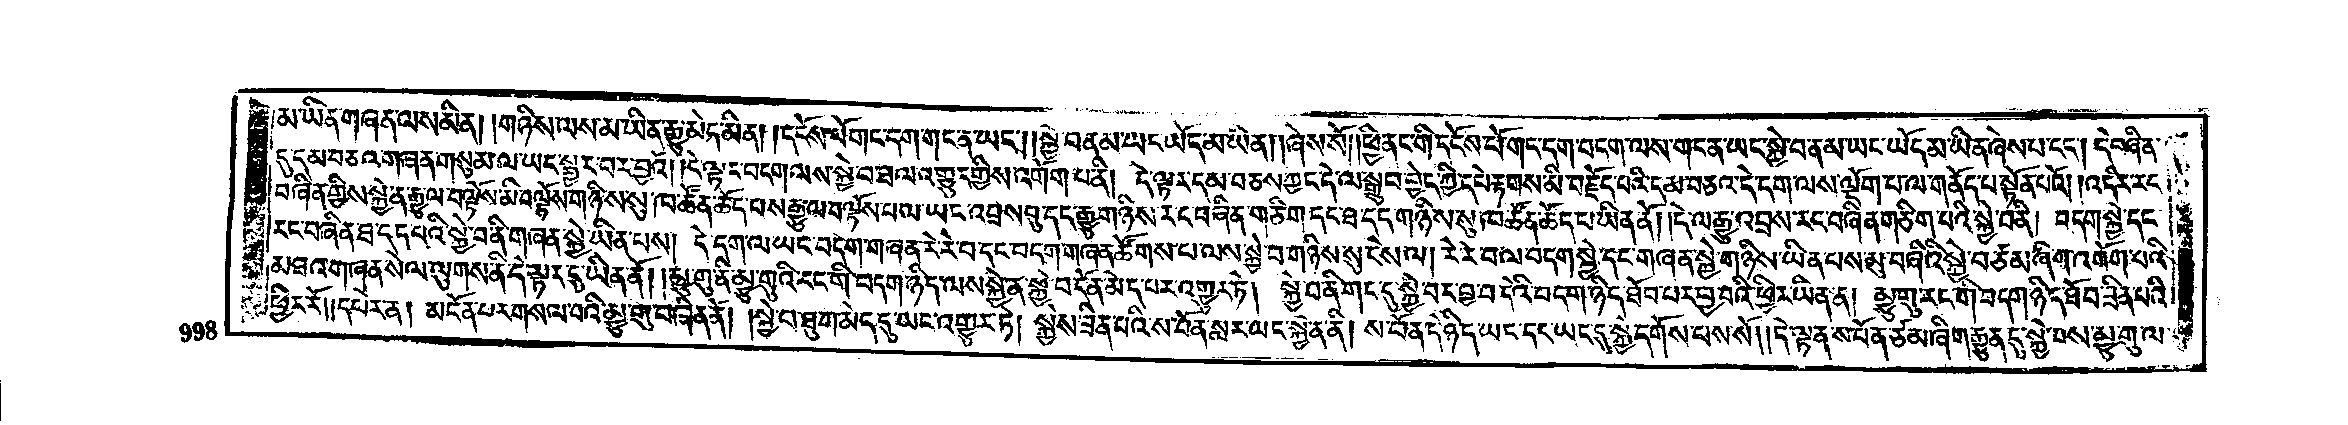མ་ཡིན་གཞན་ལས་མིན། །གཉིས་ལས་མ་ཡིན་རྒྱུ་མེད་མིན། །དངོས་པོ་གང་དག་གང་ན་ཡང་། །སྐྱེ་བ་ནམ་ཡང་ཡོད་མ་ཡིན། །ཞེས་སོ། །ཕྱི་ནང་གི་དངོས་པོ་གང་དག་བདག་ལས་གང་ན་ཡང་སྐྱེ་བ་ནམ་ཡང་ཡོད་མ་ཡིན་ཞེས་པ་དང་། དེ་བཞིན་
དུ་དམ་བཅའ་གཞན་གསུམ་ལ་ཡང་སྦྱར་བར་བྱའོ། །དེ་ལྟར་བདག་ལས་སྐྱེ་བ་ཐལ་འགྱུར་གྱིས་འགོག་པ་ནི། དེ་ལྟར་དམ་བཅས་ཀྱང་དེ་ལ་སྒྲུབ་བྱེད་ཀྱི་དཔེ་རྟགས་མི་བརྗོད་པར་དམ་བཅའ་དེ་དག་ལས་ལྡོག་པ་ལ་གནོད་པ་སྟོན་པའོ། །འདིར་རང་
བཞིན་གྱིས་སྐྱེ་ན་རྒྱུ་ལ་བལྟོས་མི་བལྟོས་གཉིས་སུ་ཁ་ཚོན་ཆོད་པས་རྒྱུ་ལ་བལྟོས་པ་ལ་ཡང་འབྲས་བུ་དང་རྒྱུ་གཉིས་རང་བཞིན་གཅིག་དང་ཐ་དད་གཉིས་སུ་ཁ་ཚོན་ཆོད་པ་ཡིན་ནོ། །དེ་ལ་རྒྱུ་འབྲས་རང་བཞིན་གཅིག་པའི་སྐྱེ་བ་ནི། བདག་སྐྱེ་དང་
རང་བཞིན་ཐ་དད་པའི་སྐྱེ་བ་ནི་གཞན་སྐྱེ་ཡིན་པས། དེ་དག་ལ་ཡང་བདག་གཞན་རེ་རེ་བ་དང་བདག་གཞན་ཚོགས་པ་ལས་སྐྱེ་བ་གཉིས་སུ་ངེས་ལ། རེ་རེ་བ་ལ་བདག་སྐྱེ་དང་གཞན་སྐྱེ་གཉིས་ཡིན་པས་མུ་བཞིའི་སྐྱེ་བ་ཙམ་ཞིག་འགོག་པའི་
མཐའ་གཞན་སེལ་ལུགས་ནི་དེ་ལྟར་དུ་ཡིན་ནོ། །མྱུ་གུ་ནི་མྱུ་གུའི་རང་གི་བདག་ཉིད་ལས་སྐྱེ་ན་སྐྱེ་བ་དོན་མེད་པར་འགྱུར་ཏེ། སྐྱེ་བ་ནི་གང་དུ་སྐྱེ་བར་བྱ་བ་དེའི་བདག་ཉིད་ཐོབ་པར་བྱ་བའི་ཕྱིར་ཡིན་ན། མྱུ་གུ་རང་གི་བདག་ཉིད་ཐོབ་ཟིན་པའི་
ཕྱིར་རོ། །དཔེར་ན། མངོན་པར་གསལ་བའི་མྱུ་གུ་བཞིན་ནོ། །སྐྱེ་བ་ཐུག་མེད་དུ་ཡང་འགྱུར་ཏེ། སྐྱེས་ཟིན་པའི་ས་བོན་སླར་ཡང་སྐྱེ་ན་ནི། ས་བོན་དེ་ཉིད་ཡང་དང་ཡང་དུ་སྐྱེ་དགོས་པས་སོ། །དེ་ལྟ་ན་ས་བོན་ཙམ་ཞིག་རྒྱུན་དུ་སྐྱེ་བས་མྱུ་གུ་ལ་